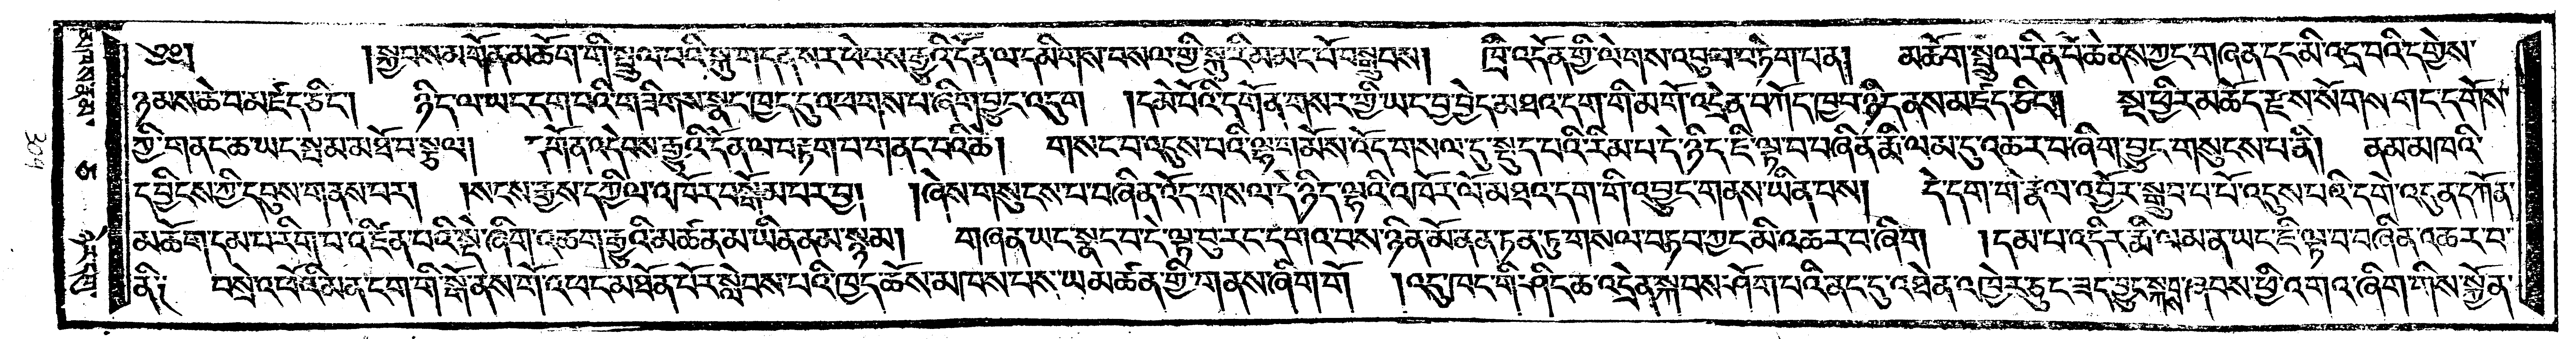༄༅། །སྐྱབས་མགོན་མཆོག་གི་སྤྲུལ་པའི་སྐུ་གདན་སར་ཕེབས་རྒྱུའི་དོན་ལ་དམིགས་བསལ་གྱི་སྐུ་རིམ་མང་པོ་བསྒྲུབས། ཁྲི་འདོན་གྱི་ལེགས་འབུལ་བཏེག་པ་ན། མཆོག་སྤྲུལ་རིན་པོ་ཆེ་ནས་ཀྱང་གཞན་དང་མི་འདྲ་བའི་དགྱེས་
ཉམས་ཆེ་བ་མཛད་ཅིང་། ཉིད་ལ་ཡང་དག་བའི་གཟིགས་སྣང་ཁྱད་དུ་འཕགས་པ་ཞིག་བྱུང་འདུག །དམེ་བོའི་དགོན་གསར་གྱི་ཡང་བྱ་བྱེད་མཐའ་དག་གི་མགོ་འདྲེན་བཀོད་ཁྱབ་ཉིད་ནས་མཛད་ཅིང་། སྔ་ཕྱིར་མཆོད་རྫས་སོགས་གང་དགོས་
ཀྱི་གནང་ཆ་ཡང་སྤམ་མཐོ་བ་སྩལ། དགོན་འདེབས་རྒྱུའི་དོན་ལ་བརྟག་པ་གནང་བའི་ཆེ། གསང་བ་འདུས་བའི་ལྷག་མེས་འོད་གསལ་དུ་སྡུད་བའི་རིམ་པ་དེ་ཉིད་ཇི་ལྟ་བ་བཞིན་རྨི་ལམ་དུ་འཆར་བ་ཞིག་བྱུང་གསུངས་བ་ནི། ནམ་མཁའི་
དབྱིངས་ཀྱི་དབུས་གནས་བར། །སངས་རྒྱས་དཀྱིལ་འཁོར་བསྒོམ་པར་བྱ། །ཞེས་གསུངས་པ་བཞིན་འོད་གསལ་དེ་ཉིད་ལྷའི་འཁོར་ལོ་མཐའ་དག་གི་འབྱུང་གནས་ཡིན་བས། དེ་དག་གི་རྣལ་འབྱོར་སྒྲུབ་པ་པོ་འདུས་པའི་དགེ་འདུན་དཀོན་
མཆོག་དམ་བ་རིག་བ་འཛིན་བའི་སྡེ་ཞིག་འཆག་རྒྱུའི་མཚན་མ་ཡིན་ནམ་སྙམ། གཞན་ཡང་སྣང་བ་དེ་ལྟ་བུ་རང་དགའ་བས་ཉིན་མོ་ནན་ཏན་ཏུ་གསལ་བཏབ་ཀྱང་མི་འཆར་བ་ཞིག །དམ་པ་འདིར་རྨི་ལམ་ན་ཡང་ཇི་ལྟ་བ་བཞིན་འཆར་བ་
ནི༑ བསྲེ་འྤོའི་མན་ངག་གི་སྒོ་ནས་གོ་འཕང་མཐོན་པོར་སླེབས་པའི་ཁྱད་ཆོས་མཁས་པས་ཡ་མཚན་གྱི་གནས་ཞིག་གོ །འདུ་ཁང་གི་ཤིང་ཆ་འདྲེན་སྐབས་ཤོག་པའི་ནང་དུ་འཐེན་འཁྱེར་ཅུང་ཟད་བྱུང་སྐབས་ཞབས་ཕྱི་འགའ་ཞིག་གིས་སྐྱོན་